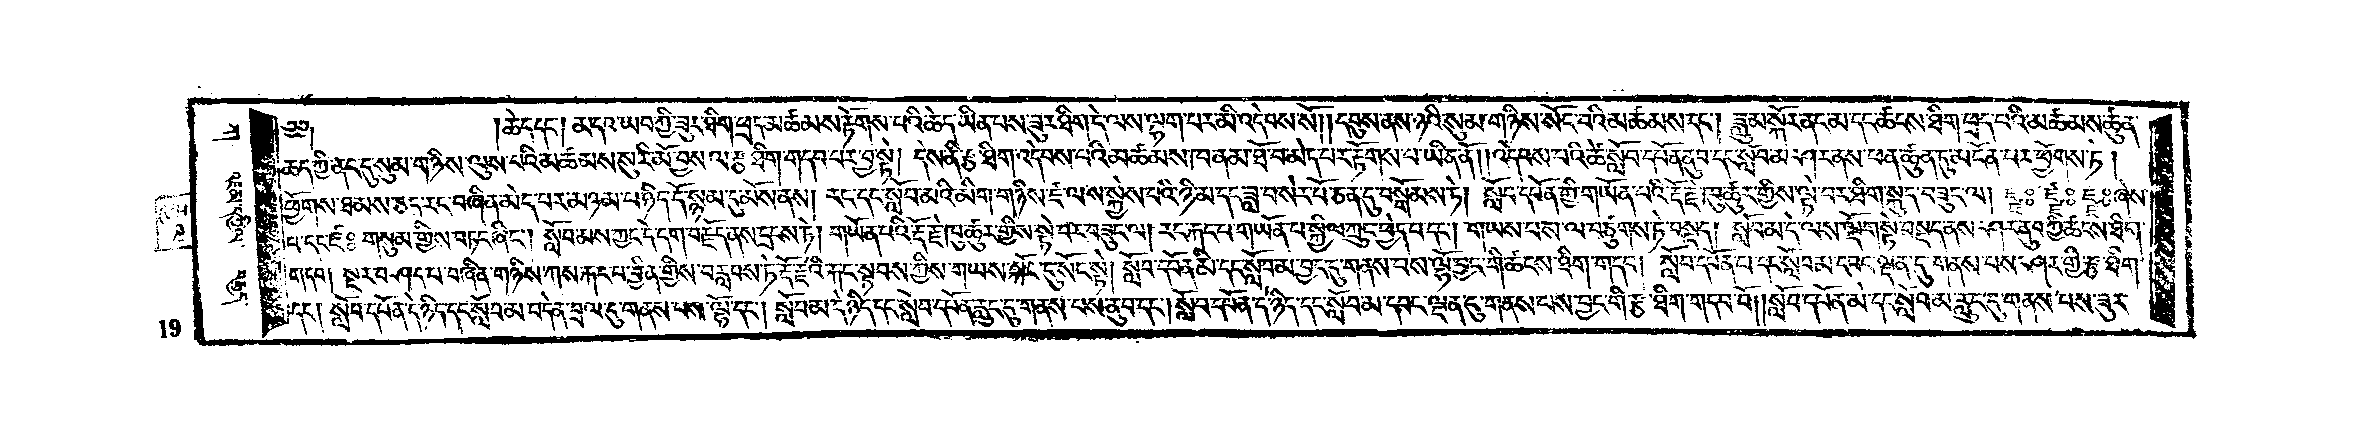༄༅། །ཆེད་དང་། མདའ་ཡབ་ཀྱི་ཟུར་ཐིག་ཕྲད་མཚམས་རྟོགས་པའི་ཆེད་ཡིན་པས་ཟུར་ཐིག་དེ་ལས་ལྷག་པར་མི་འདེབས་སོ། །དབུས་ནས་ཉའི་སུམ་གཉིས་སོང་བའི་མཚམས་དང་། ཟླུམ་སྐོར་ནང་མ་དང་ཚངས་ཐིག་ཕྲད་པའི་མཚམས་ཚུན་
ཆད་ཀྱི་ནང་དུ་སུམ་གཉིས་ལུས་པའི་མཚམས་སུ་རི་མོ་བྱས་ལ་རྩ་ཐིག་གདབ་པར་བྱ་སྟེ། དེས་ནི་རྩ་ཐིག་འདེབས་པའི་མཚམས་ཁ་ནམ་ཐོ་བ་མེད་པར་རྟོགས་པ་ཡིན་ནོ། །འདེབས་པའི་ཚེ་སློབ་དཔོན་ནུབ་དང་སློབ་མ་ཤར་ནས་ཕན་ཚུན་དུ་མངོན་པར་ཕྱོགས་ཏེ།
ཕྱོགས་ཐམས་ཅད་རང་བཞིན་མེད་པར་མཉམ་པ་ཉིད་དོ་སྙམ་དུ་མོས་ནས། རང་དང་སློབ་མའི་མིག་གཉིས་ཛ་ལས་སྐྱེས་པའི་ཉི་མ་དང་ཟླ་བ་སེར་པོ་ཅན་དུ་བསྒོམས་ཏེ། སློབ་དཔོན་གྱི་གཡོན་པའི་རྡོ་རྗེ་ཁུ་ཚུར་གྱིས་ལྟེ་བར་ཐིག་སྐུད་བཟུང་ལ། ཛྫཿ ཛྫཿ ཛྫཿ ཞེས་
པ་དང་ཛཿ གསུམ་གྱིས་བཏང་ཞིང་། སློབ་མས་ཀྱང་དེ་དག་བརྗོད་ནས་དྲངས་ཏེ། གཡོན་པའི་རྡོ་རྗེ་ཁུ་ཚུར་གྱིས་སྟེ་བར་བཟུང་ལ། རང་རྐང་པ་གཡོན་པ་སྐྱིལ་ཀྲུང་ཕྱེད་པ་དང་། གཡས་པས་ལ་བཙུགས་ཏེ་བསྡད། སློབ་མ་དེ་ལས་ལྡོག་སྟེ་བསྡད་ནས་ཤར་ནུབ་ཀྱི་ཚངས་ཐིག་
གདབ། སྔར་བཤད་པ་བཞིན་གཉིས་ཀས་རྐང་པ་བྱིན་གྱིས་བརླབས་ཏེ་རྡོ་རྗེའི་རྐང་སྟབས་ཀྱིས་གཡས་སྐོང་དུ་སོང་སྟེ། སློབ་དཔོན་མི་དང་སློབ་མ་བྱང་དུ་གནས་པས་ལྷོ་བྱང་གི་ཚངས་ཐིག་གདབ། སློབ་དཔོན་པ་དང་སློབ་མ་དབང་ལྡན་དུ་གནས་པས་ཤར་གྱི་རྩ་ཐིག་
དང་། སློབ་དཔོན་དེ་ཉིད་དང་སློབ་མ་བདེན་བྲལ་དུ་གནས་པས་ལྷོ་དང་། སློབ་མ་དེ་ཉིད་དང་སླེབ་དཔོན་རླུང་དུ་གནས་པས་ནུབ་དང་། སློབ་དཔོན་དེ་ཉིད་དང་སློབ་མ་དབང་ལྡན་དུ་གནས་པས་བྱང་གི་རྩ་ཐིག་གདབ་བོ། །སློབ་དཔོན་མེ་དང་སློབ་མ་རླུང་དུ་གནས་པས་ཟུར་